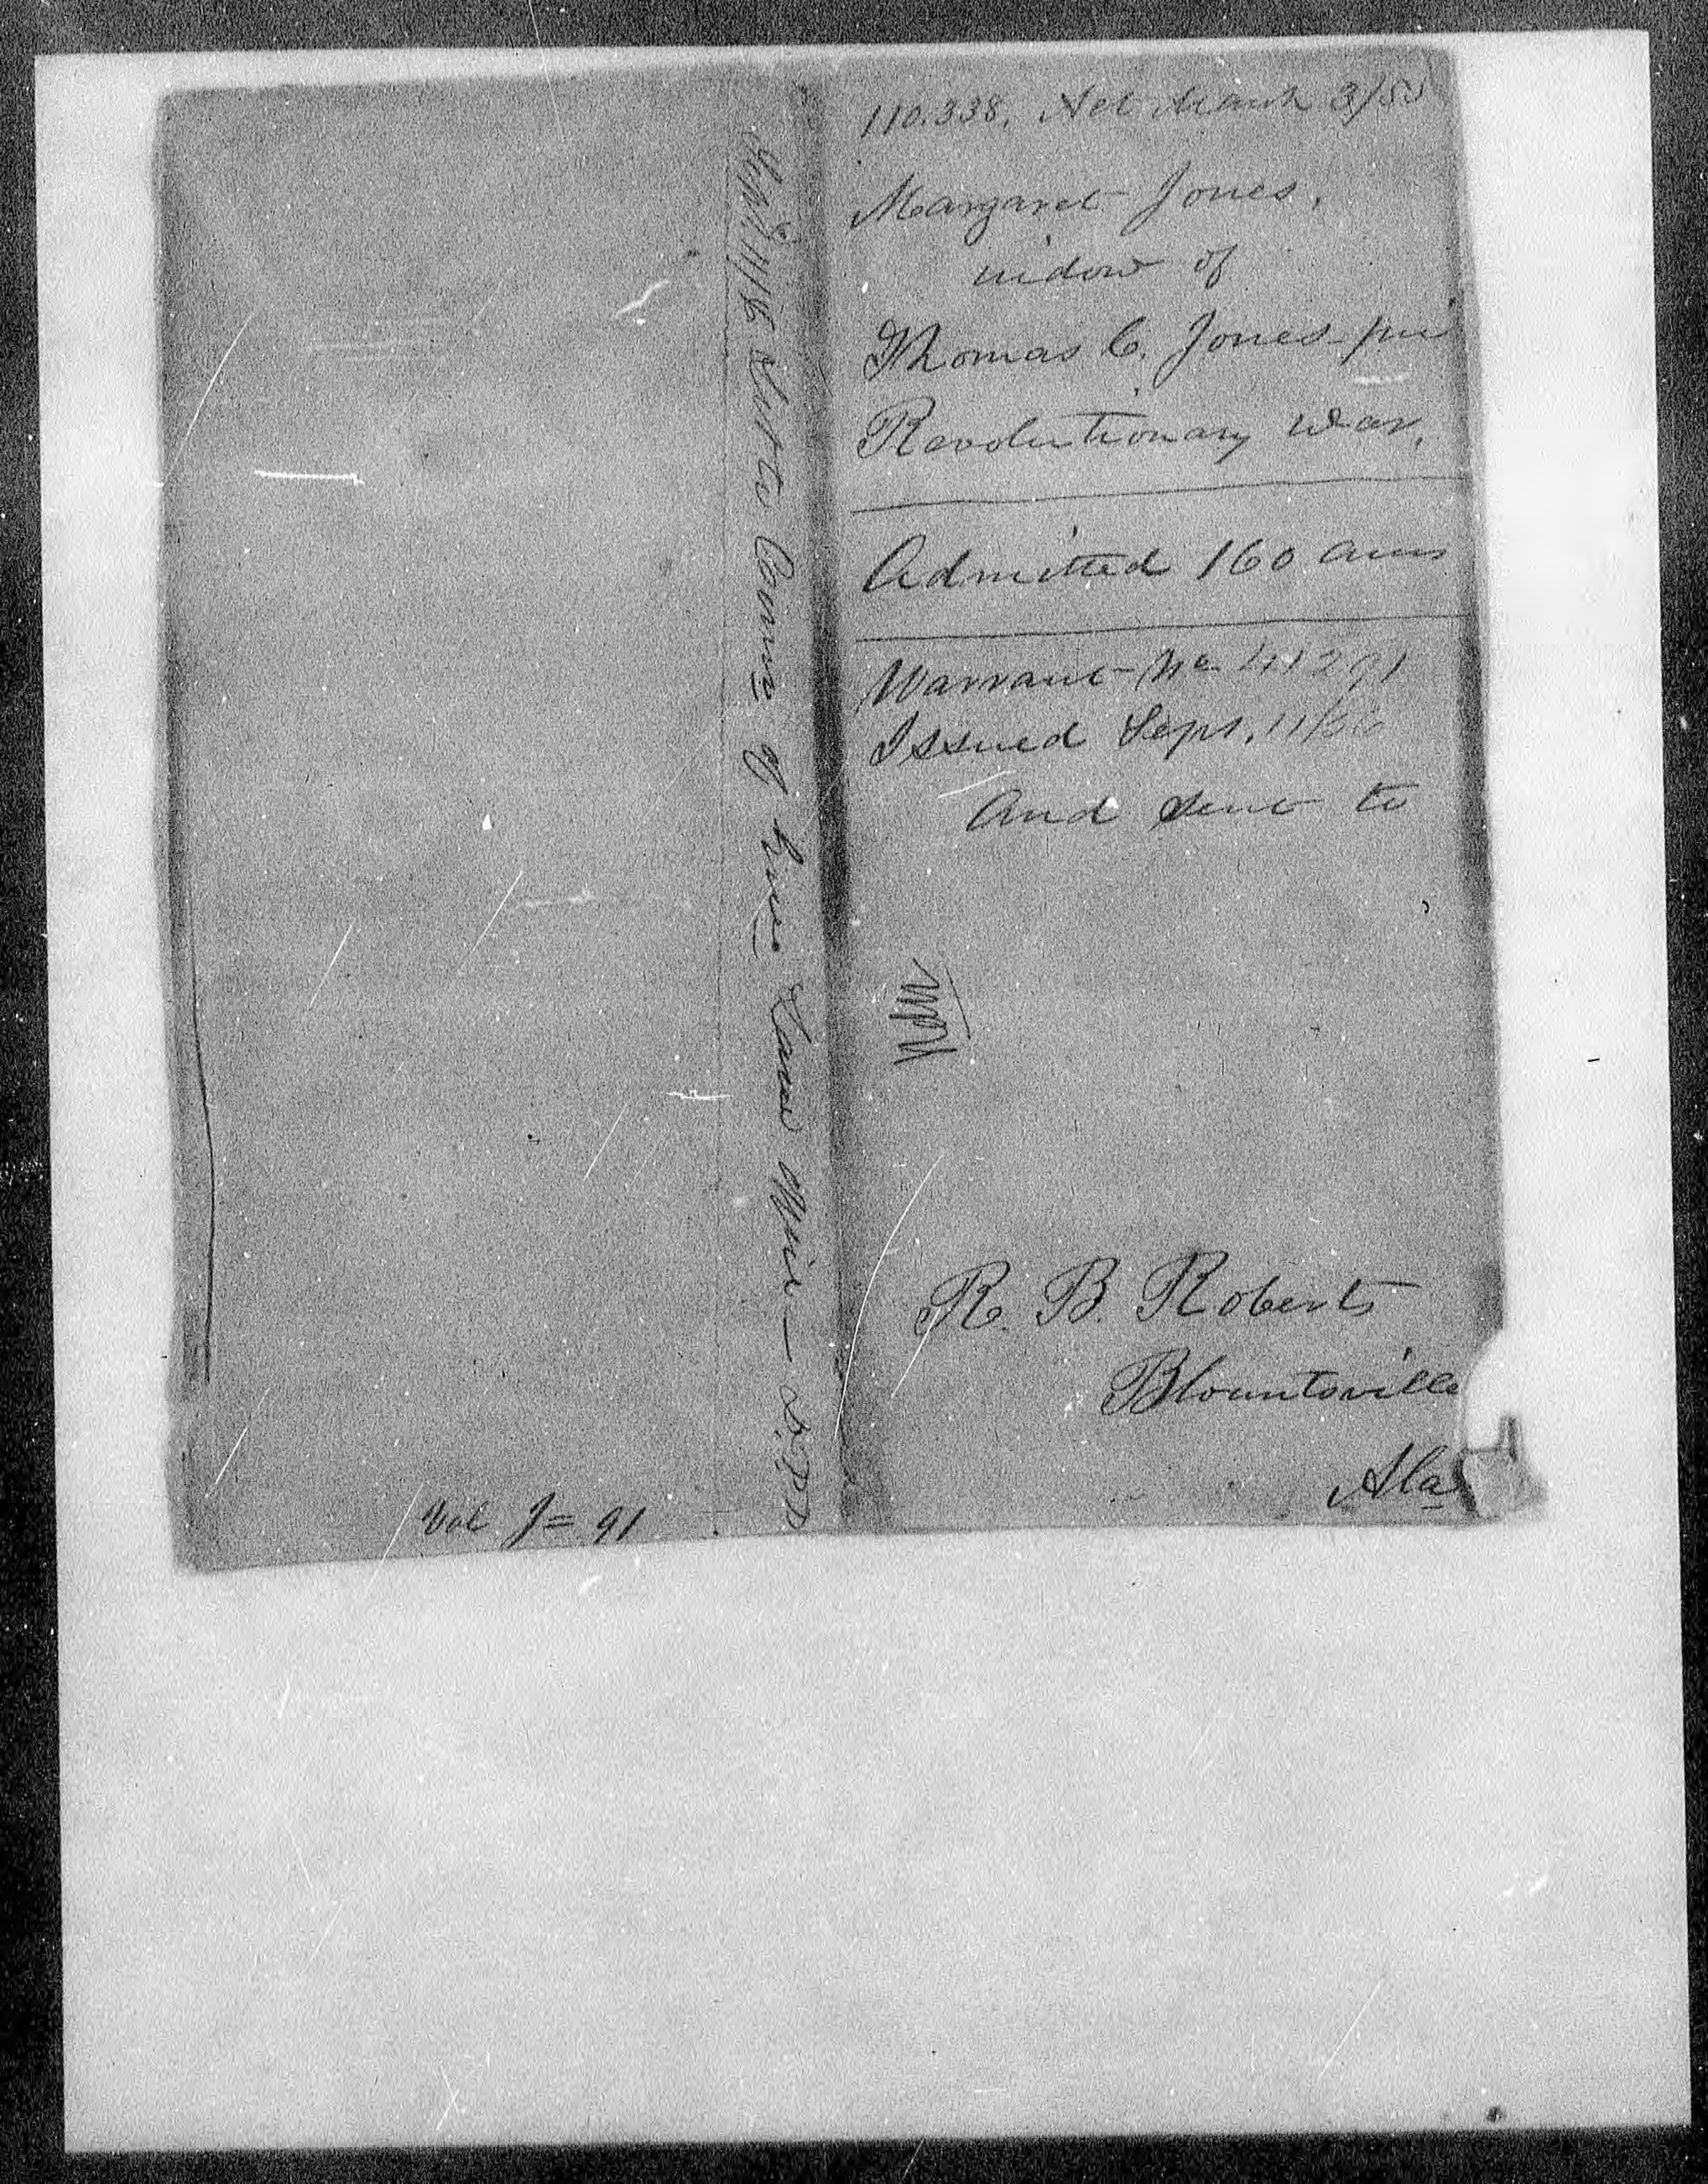110.338, Act March 3/55
Margaret Jones,
widow of 
Thomas C. Jones pri
Revolutionary War

Admitted 160 acres

Warrant No. 41291
Issued Sept. 11/56
and sent to 

R. B. Roberts
Blountsville [edge torn]
Ala

Vol J - 91

{written down side of left margin the following]
Sept. 11/56 sent to County of [illegible] office 
DPD [possibly initials]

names: Thomas C Jones; Margaret Jones; R B Roberts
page: 29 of 45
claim: widow's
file: W. 26160, for Thomas C Jones, Georgia